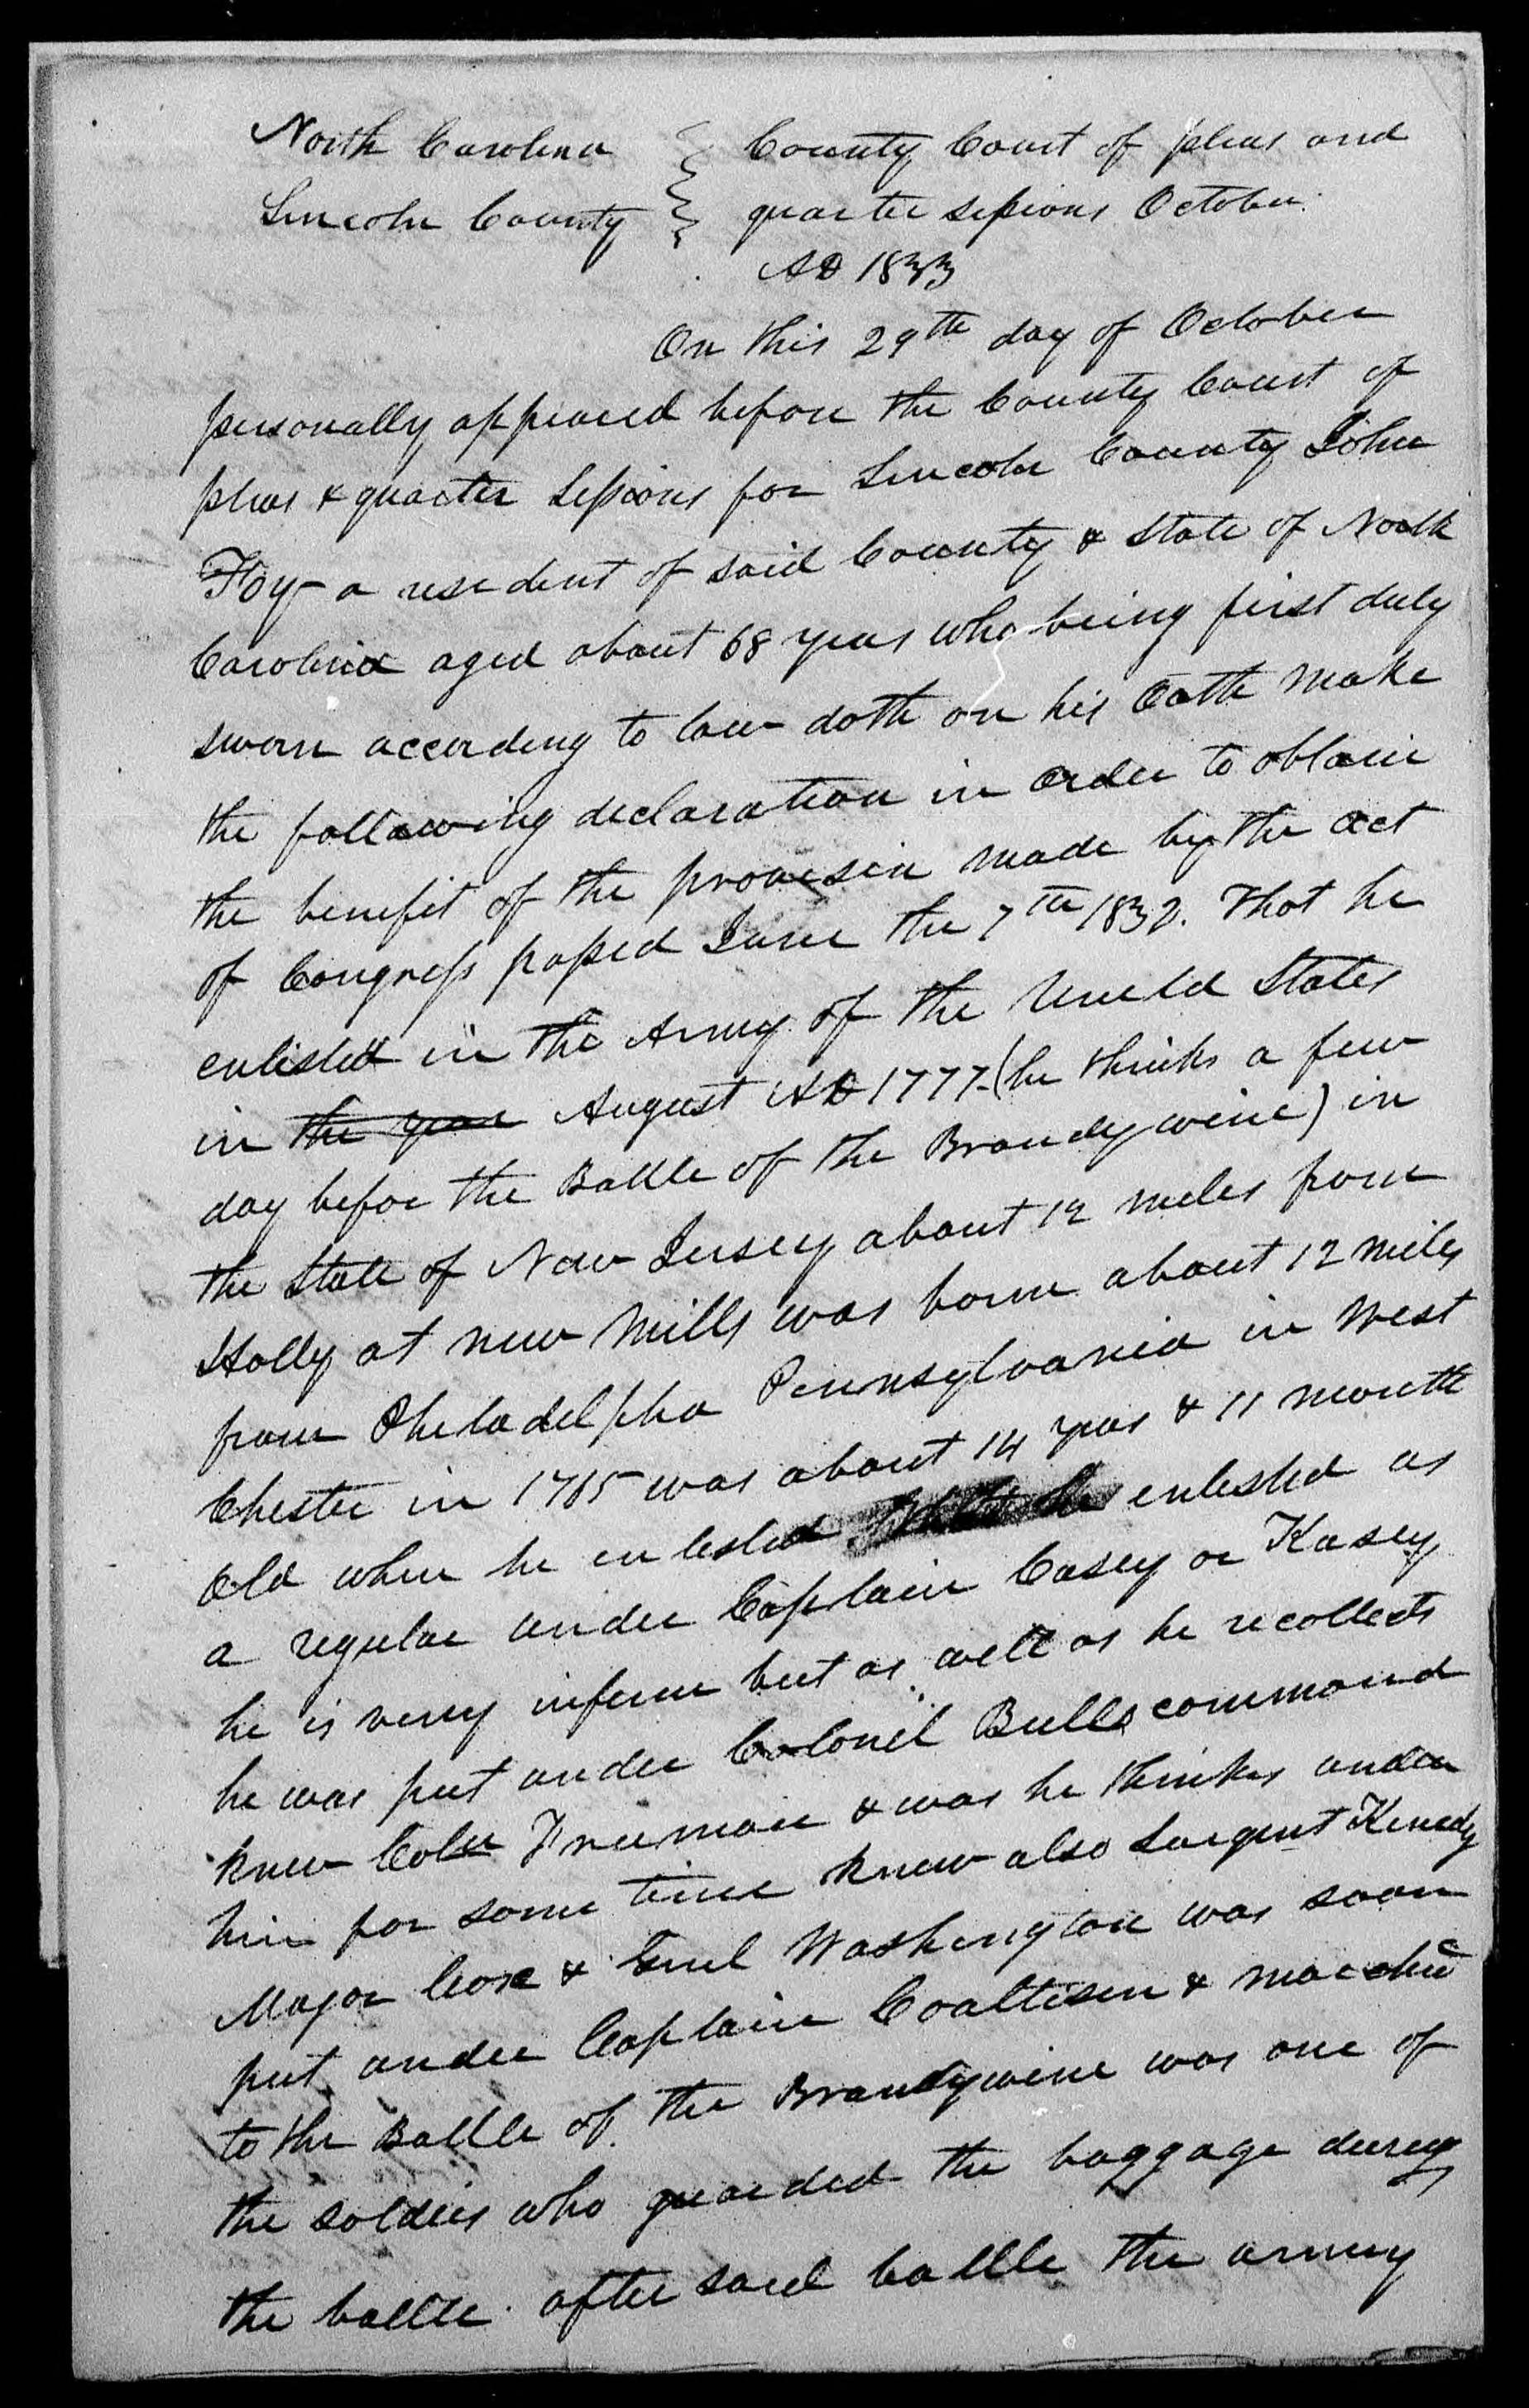North Carolina      County Court of pleas and 
Lincoln County      quarter seßions October AD 1843 [sic--double s symbol aka sharp s]

On this 29th day of October personally appeared before the County Court of pleas + quarter Seßions [sic--sharp s] for Lincoln County John Foy a resident of said County + State of North Carolina aged about 68 years who being first duly sworn according to law doth on his oath make the following declaration in order to obtain the benefit of the provision made by the act of Congreß [sic--sharp s] paßed [sic--sharp s] June the 7th 1832.  That he enlisted in the Army of the United States in [crossed out] the year [crossed out] August AD 1777 (he thinks a few day [sic] befor [sic] the Battle of the Brandywine) in the State of New Jersey about 12 miles from Holly at New Mills was born about 12 miles from Philadelphia Pennsylvania in West Chester in 1765 was about 14 years and 11 months old when he enlisted [illegible] enlisted as a regular under Captain Casey or Kasey he is very unfirm but as well as he recollects he was put under Colonel Bulls command knew [illegible] Freeman + was he thinks under him for some time knew also Sargent [sic] Kenedy [sic] Major [Illegible] + Genl Washington was soon put under Captain Coaltisen [sic] + marched to the Battle of the Brandywine was one of the soldiers who guarded the baggage during the battle after said battle the army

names: Coaltisen, John Foy, Kasey, Freeman, Casey, Bulls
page: 2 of 11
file: R., John Foy, New Jersey